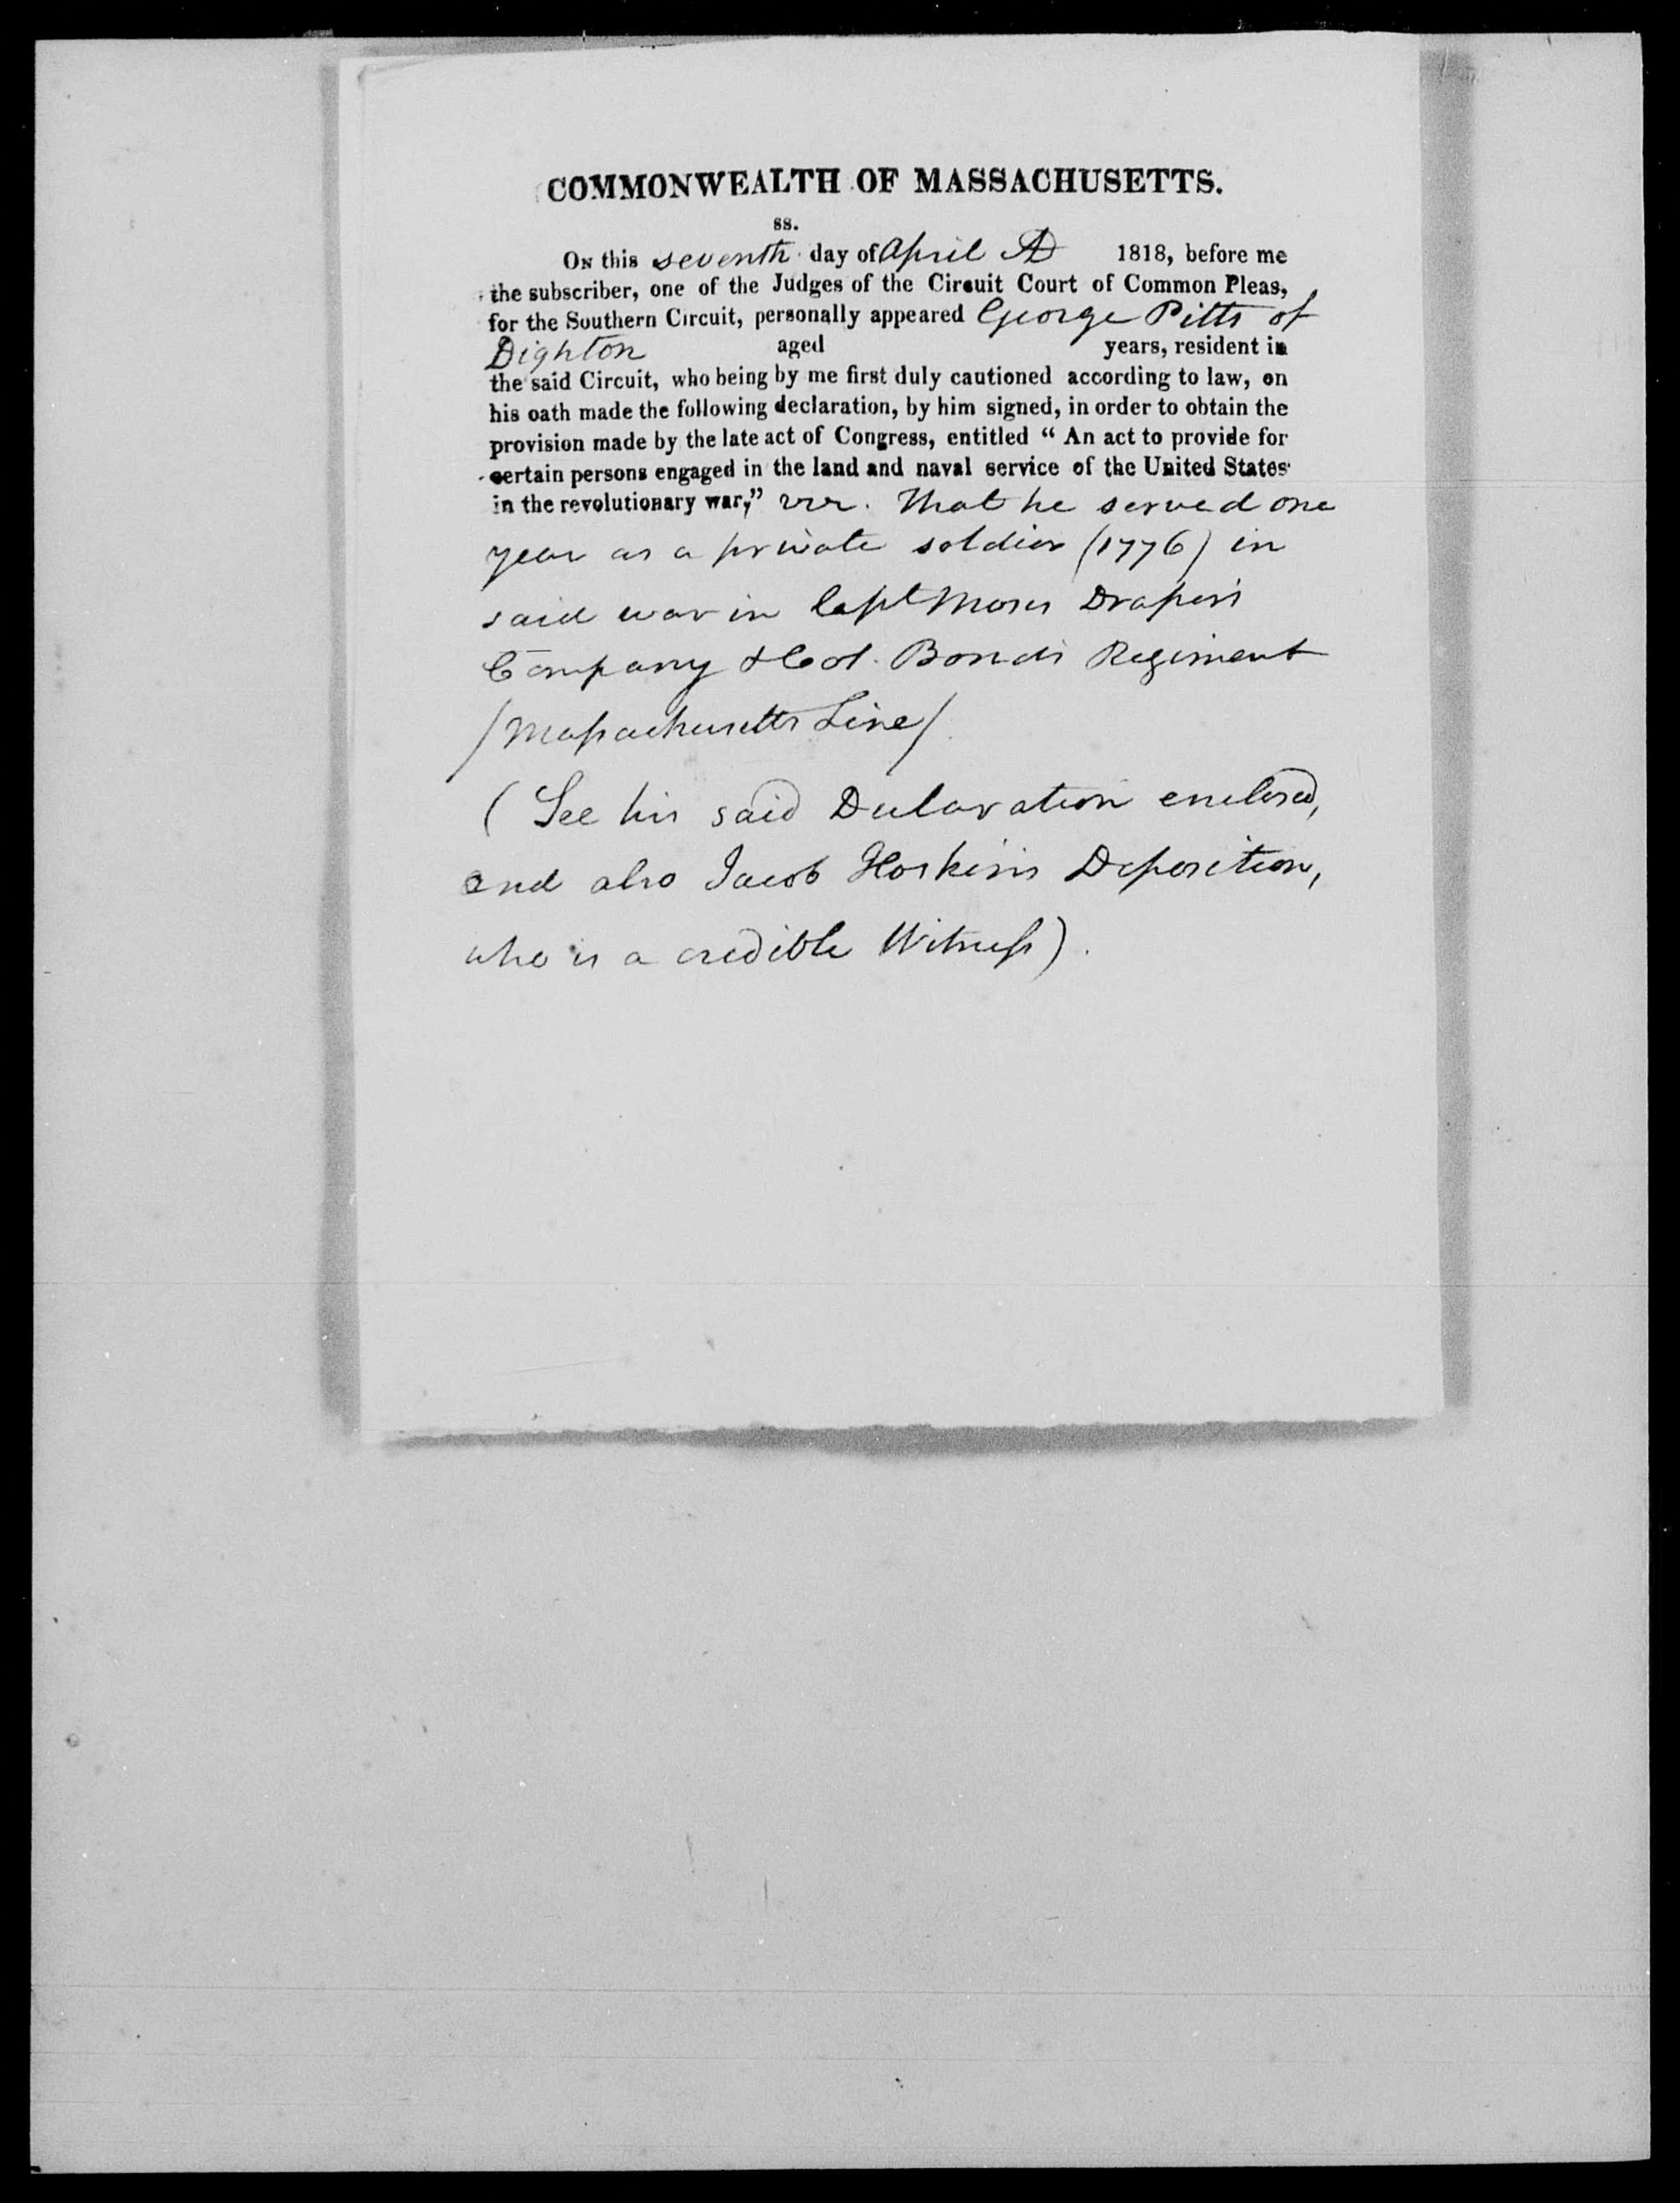COMMONWEALTH OF MASSACHUSETTS.
ss.
On this seventh day of April AD 1818, before me the subscriber, one of the Judges of the Circuit Court of Common Pleas, for the Southern Circuit, personally appeared George Pitts of Dighton aged [blank] years, resident in
the said Circuit, who being by me first duly cautioned according to law, on his oath made the following declaration, by him signed, in order to obtain the provision made by the late act of Congress, entitled "An act to provide for
certain persons engaged in the land and naval service of the United States in the revolutionary war: viz. That he served one
year as a private soldier (1776) in said war in Capt Moses Draper's Company & Col Bond's Regiment Massachusetts Line.
(See his said Declaration entered and also Jacob Hoskins Deposition,
who is a credible Witness).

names: Goerge Pitts; Jacob Hoskins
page: 53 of 54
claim: widow's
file: W. 26,897, for George Pitts, Massachusetts